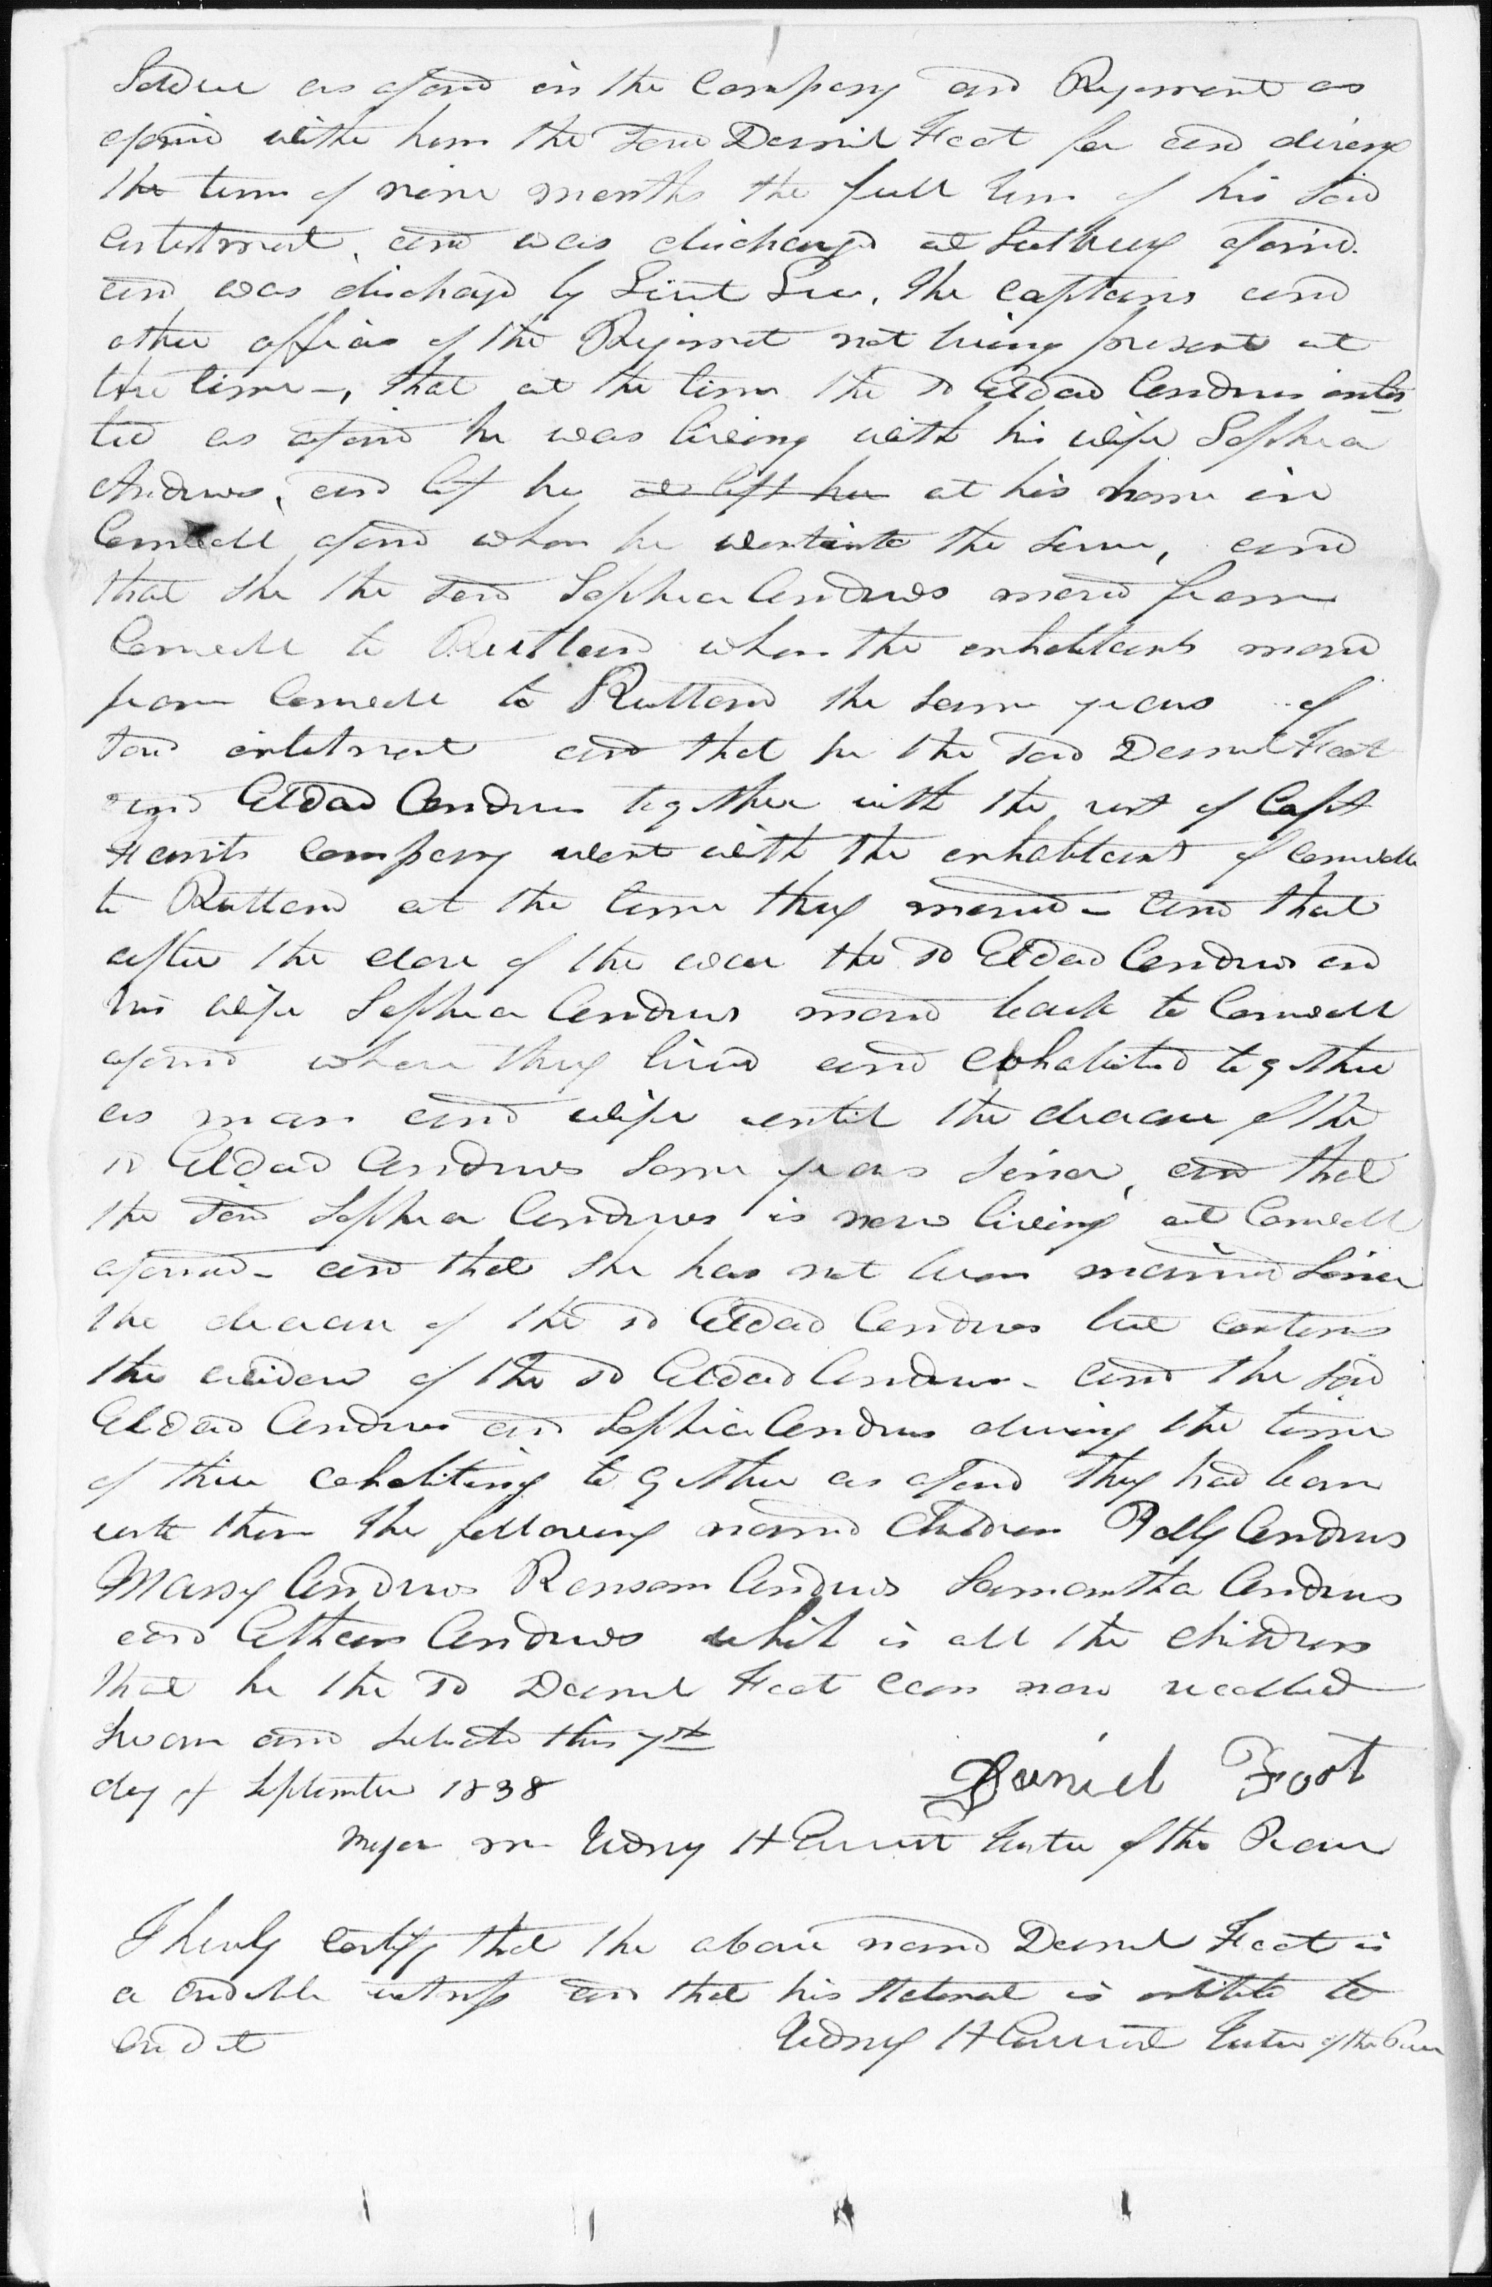Soldier aforesaid in the company and Regiment aforesaid with him the said Danl Feat for and during the term of nine months the full time of his said entertainment and was discharged and the further aforesaid and was discharge by Lieut Lee. The captains and other officers of the Regiment not being present at the time, that at the time the said Eldad Andrews intestic as aforesaid he was living with his wife Sophia
Andrews, and  left her at his home in Cornell
and when he went into the same, and that she the said Sophia Andrews moved from Cornell to Rutterns when the inhabitants move from Cornell to Rutterns the same years of said enlistment and that he the said Danil Feat and Eldad Andrews together with the rest of Capt Frank's Company went with the inhabitant of Cornell to Rutterns at the time they moved-. And that after the close of the war the said Eldad Andrews and his wife Sophia Andrews moved back and to Cornell aforesaid when they lived and cohabited together as man and wife until the death of Eldad Andrews some was Senor and that the said Sophia Andrews is now living at Cornell- aforesaid-and that she has not been married since the death of the said Eldad Andrews  but contends the children of the said Eldad Andrews and- And the said Eldad Andrews and Sophia Andrews during the time of their cohabiting together aforesaid they had ban certe there the following named children Polly Andrews, Mary Andrews, Ransom Andrews,  Samantha Andrews and Esther Andrews while is all their children that he the said Daniel Feat can now recalled-

Sworn and subscribed this 7th day of September 1838                      Daniel Feat
Before me, Edny H. Everest Justice of the Peace
I hereby certify that the above named Daniel Feat is a credible witness and that his statement is written to [and] it
Edny H.  Everest Justice of the the Peace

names: Danil Feat, Polly Andrus, Sophia Andrws, Sophia Andrws, Danel Feet, Lee, Ethan Andrws, Mary Andrws, Sophia Andrws, Sophia Andrws, Sophia Andrus, Rensom Andrws, Samantha Andrus, Eldad Andrus, Eldad Andrws, Daniel Foot, Eldad Andrws, Eldad Andrus, Eldad Andrus, Edny H Everest, Danel Feat, Eldad Andrus, Eldad Andrus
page: 6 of 27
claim: rejected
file: R. 223, Eldad Andrus, Vt.